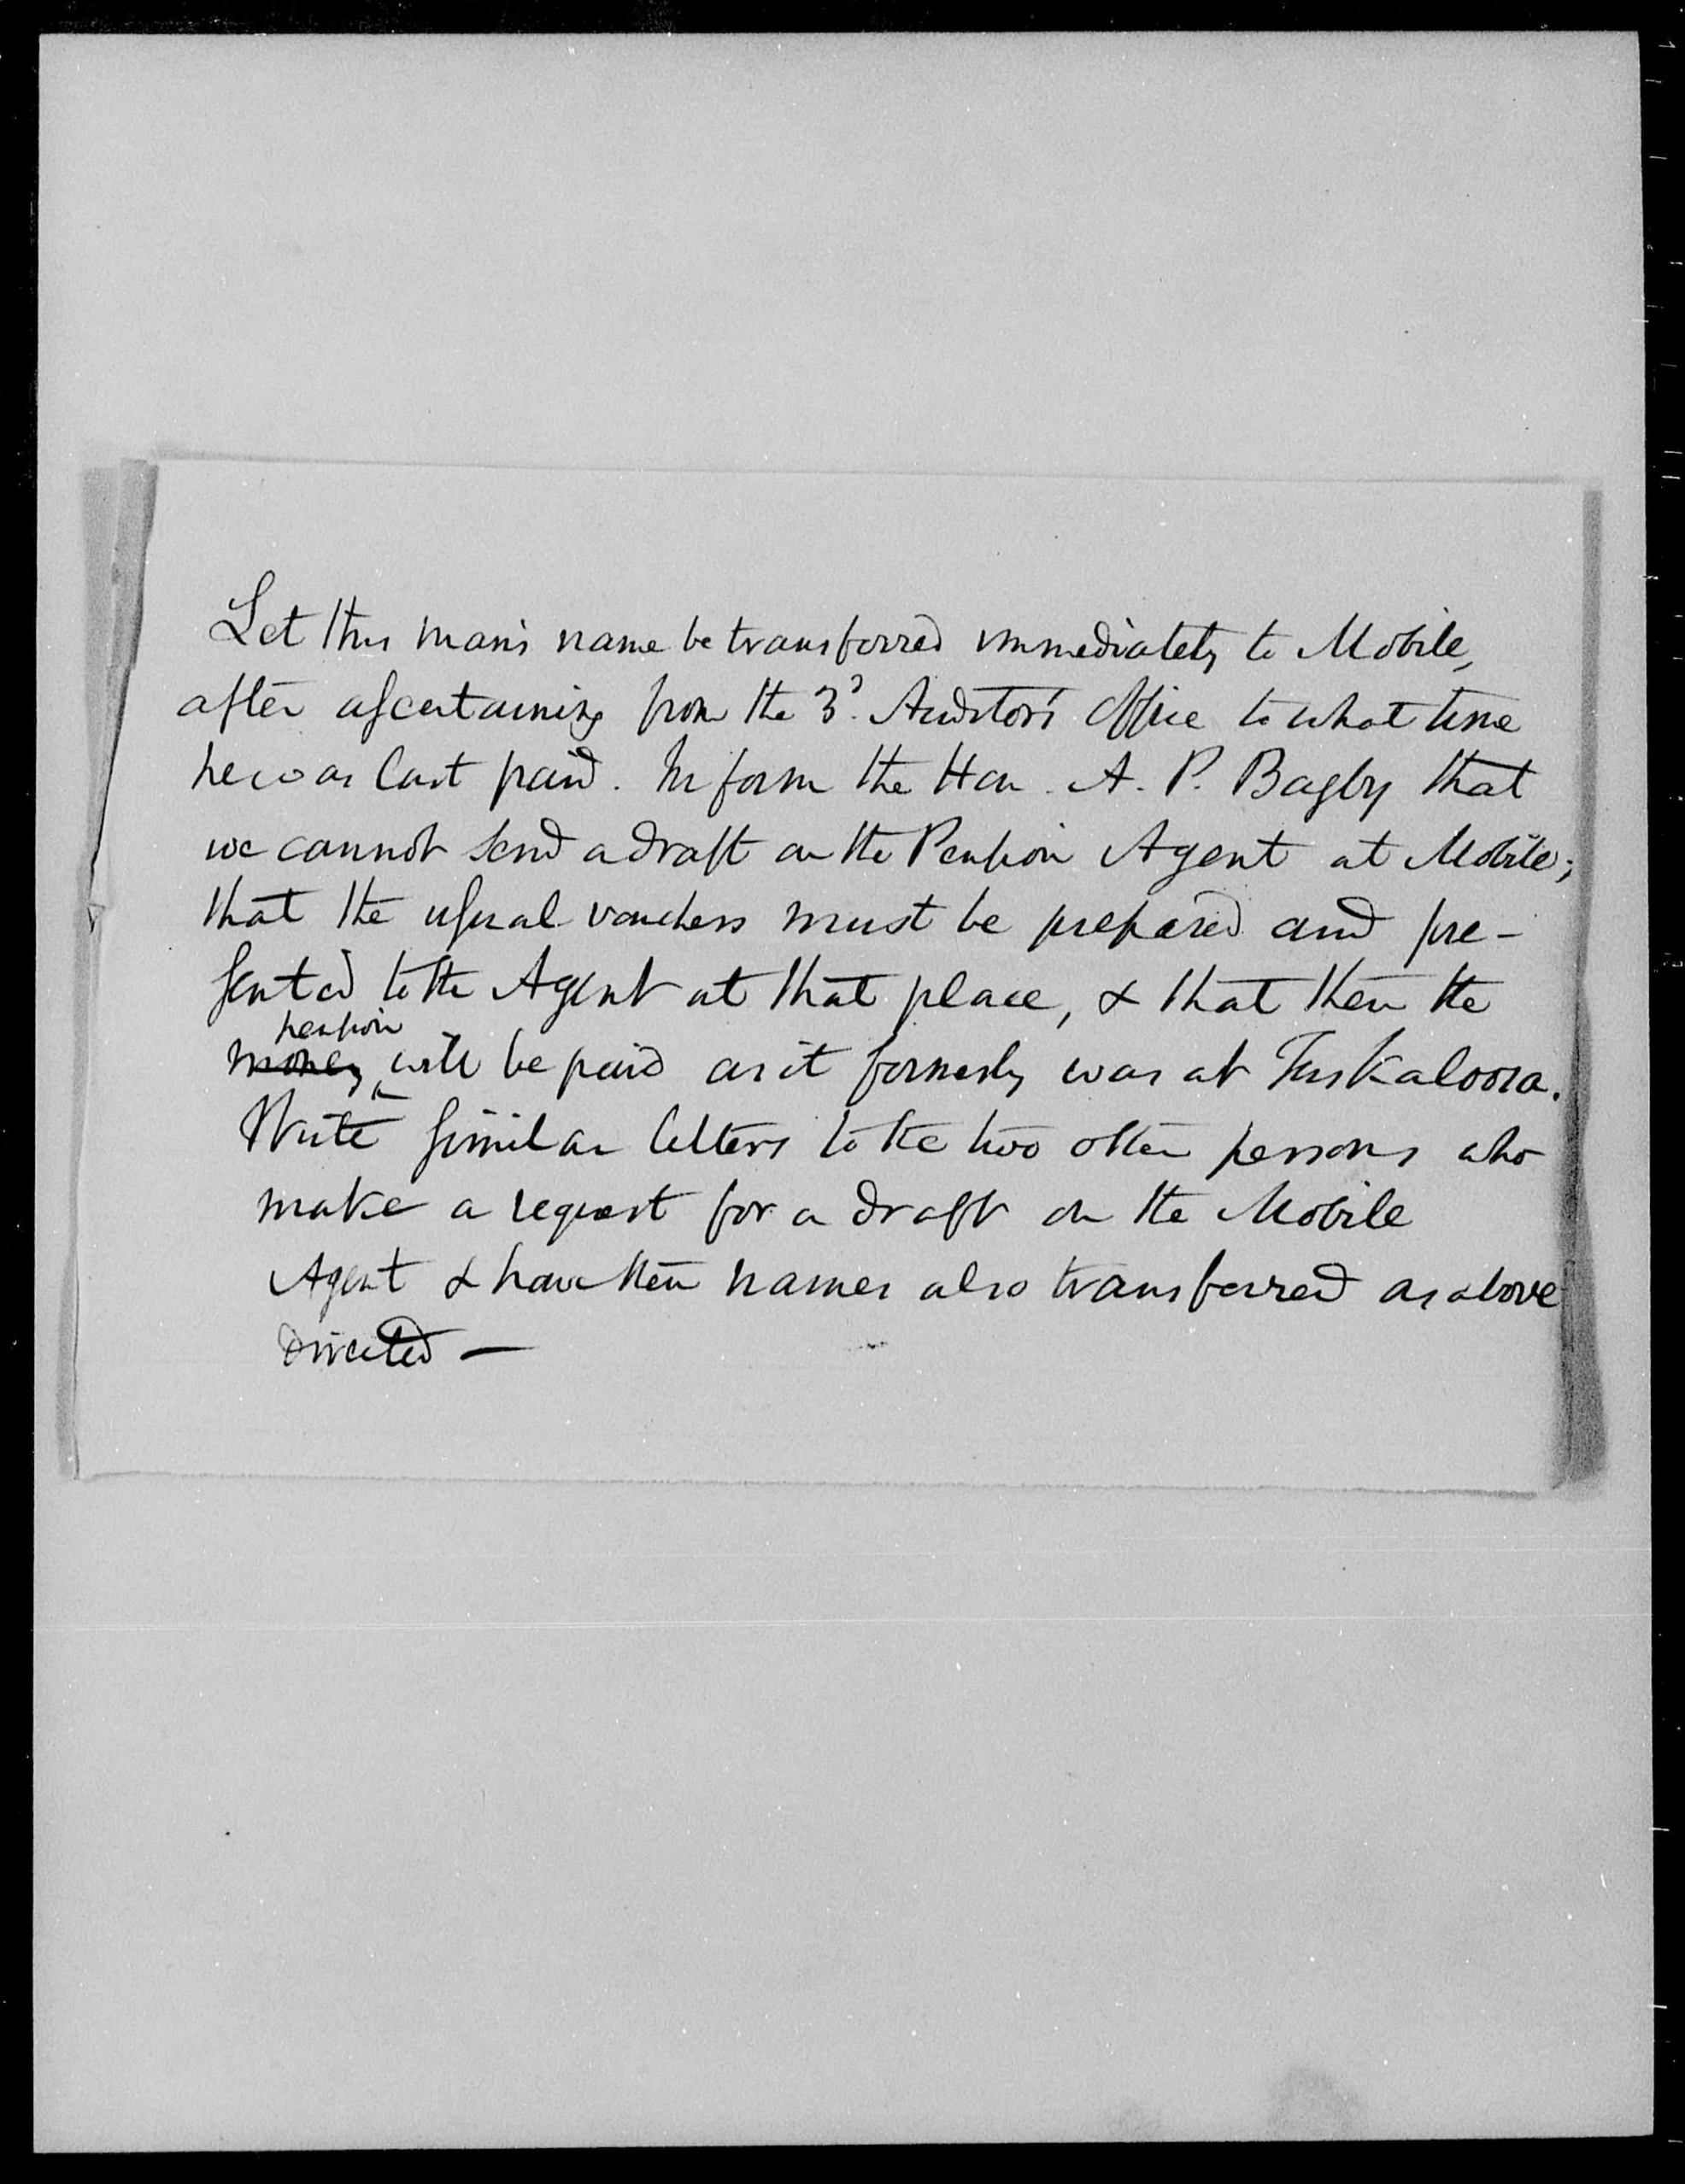Let this man's name be transferred immediately to Mobile,
after ascertaining from the 3rd. Auditors Office to what time
he was last paid.  Inform the Hon. A.P. Bagby that
we cannot send a draft on the Pension Agent at Mobile,
that the usual vouchers must be prepared and presented
to the Agent at that place, & that then {illegible}
pension will be paid as it formerly was at Tuskaloosa.
Write similar letters to the two other persons who
make a request for a draft on the Mobile
Agent & have their names also transferred as above
directed.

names: A P Bagby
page: 16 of 25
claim: survivor's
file: S. 38109, for Thomas Keates, Maryland